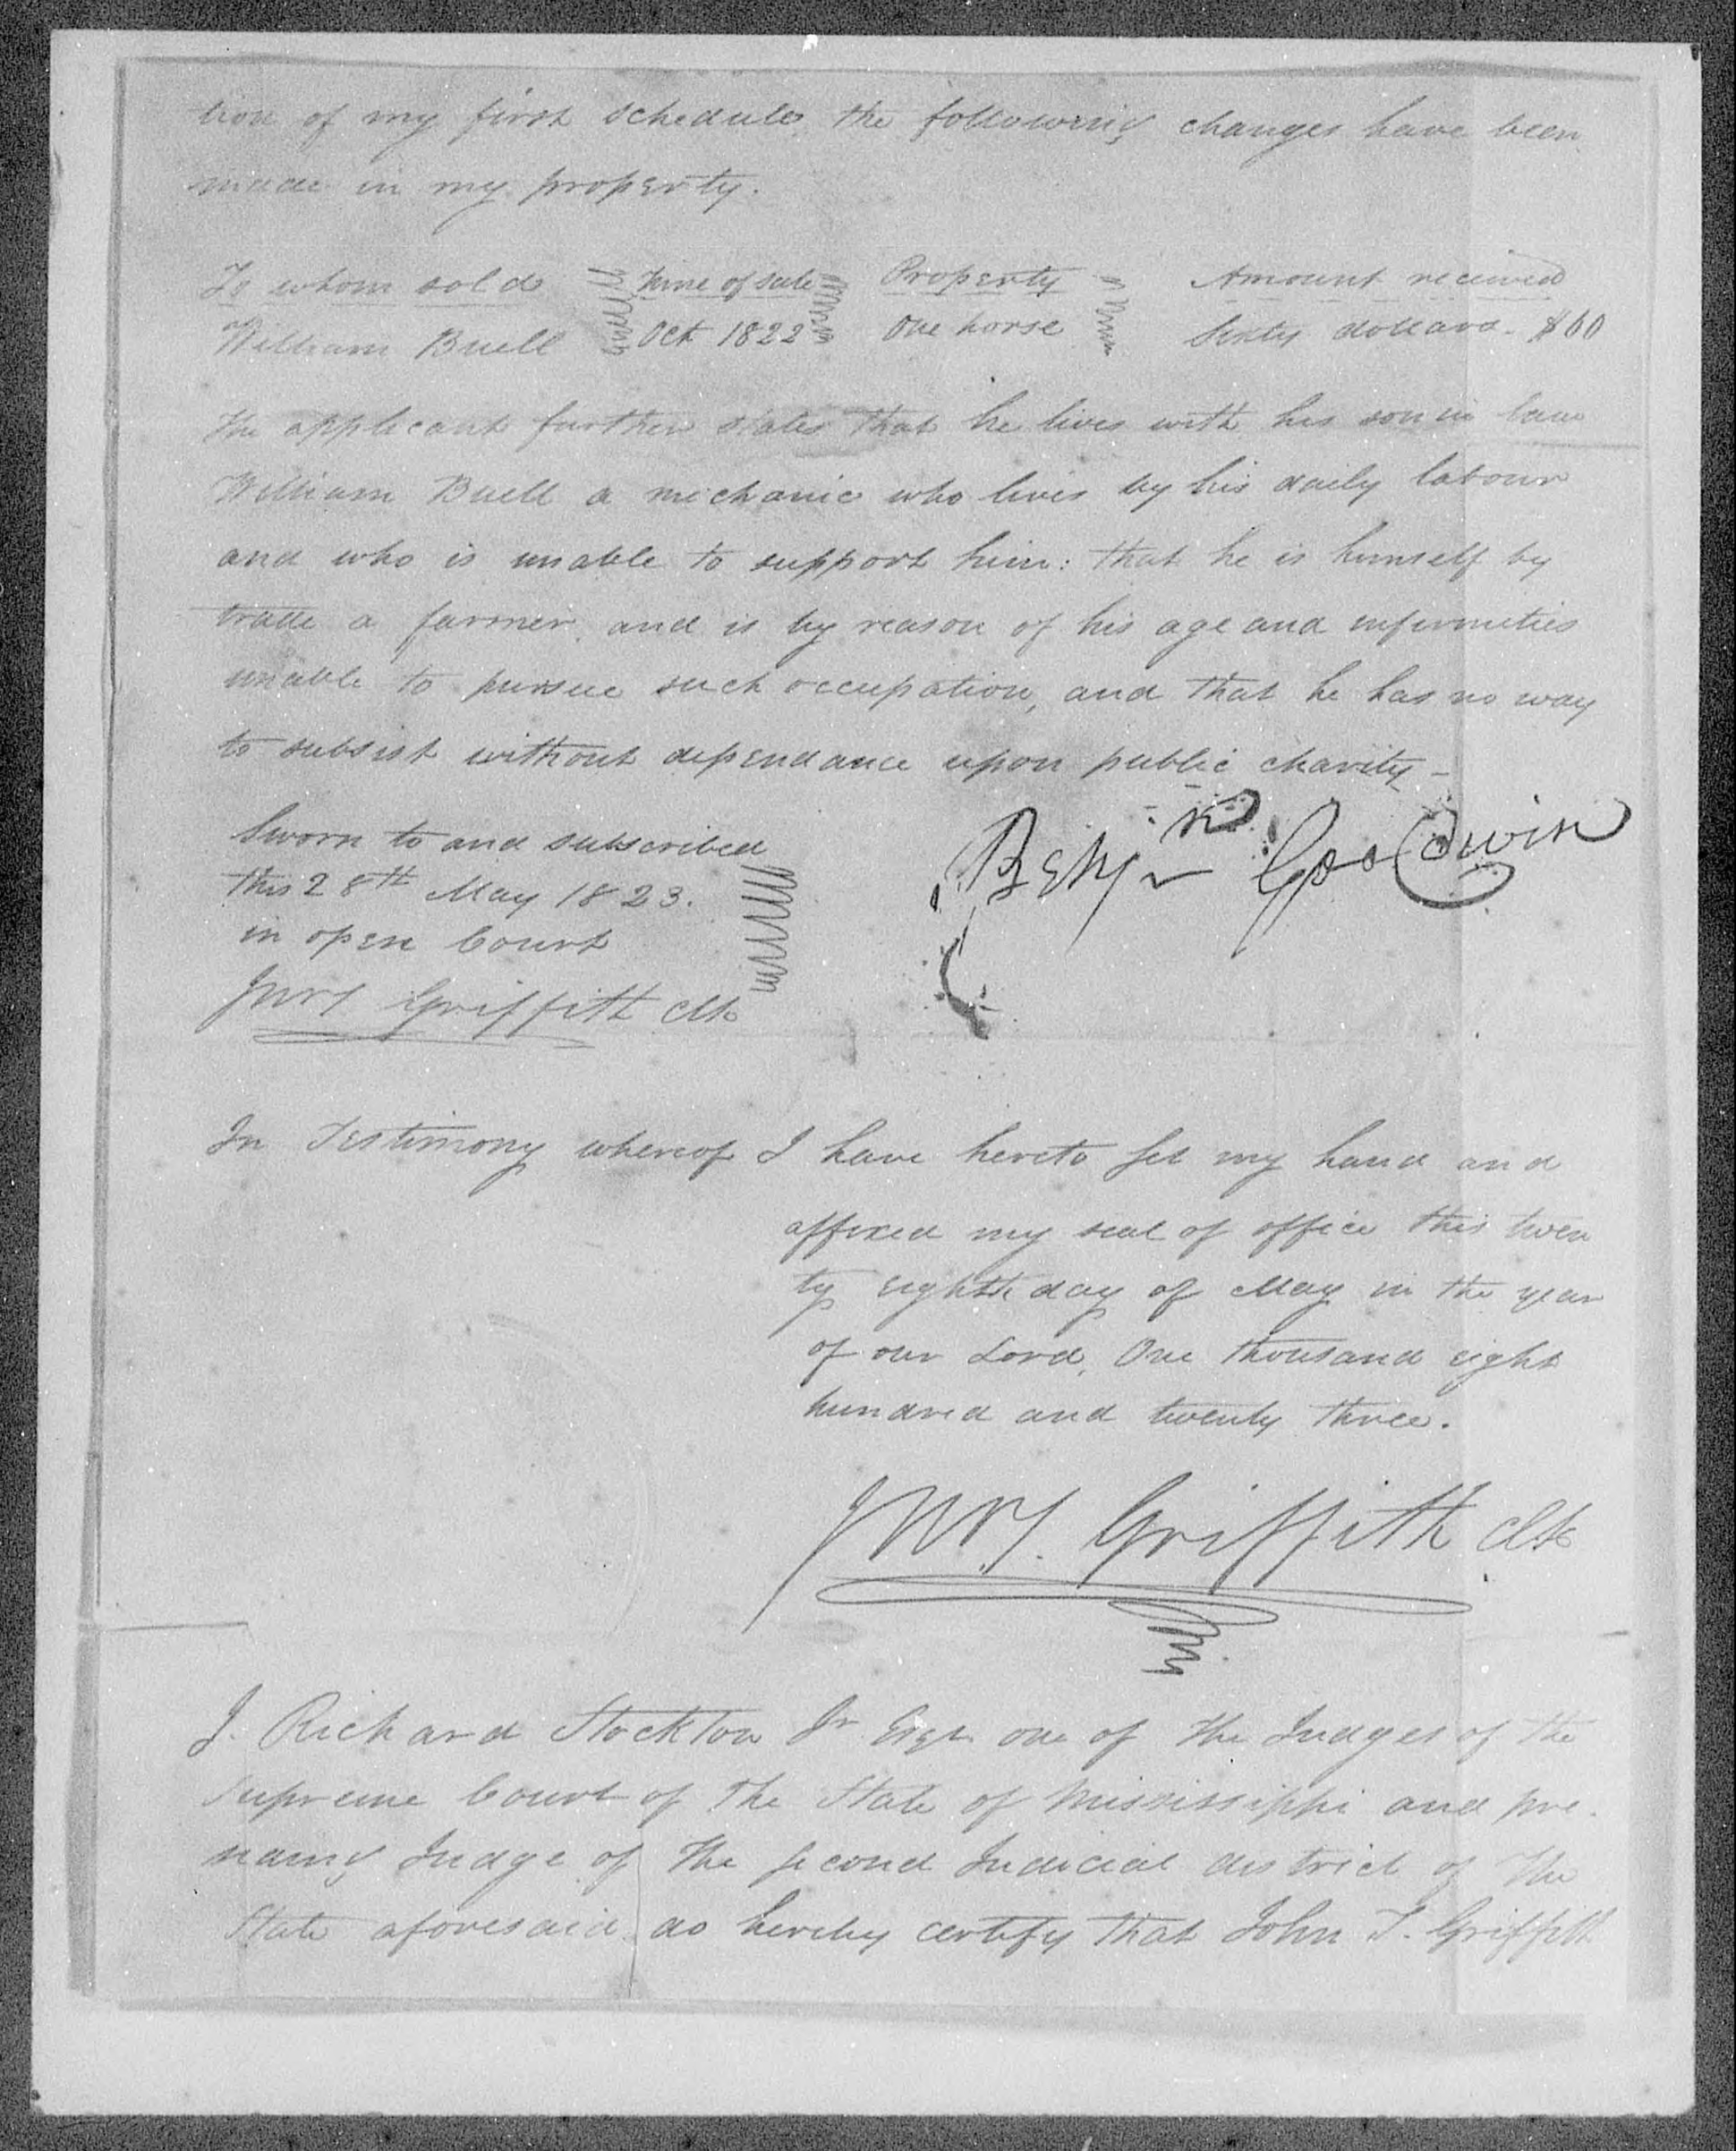tion of my first schedule the following changes have been made in my property.
To whom sold  } Time of sale} Property} Amount received
William Buell} Oct, 1822}  one horse { Sixty dollars - $60
The applicant further states that he lives with his son in law William Buell a mechanic who lives by his daily labour and who is unable to support him. that he is himself by trade a farmer, and is by reason of his age and infirmities unable to pursue such occupation, and that he has no way to subsist without dependance (dependence) upon public charity.
Benjn. Goodwin
Sworn to and subscribed this 28thy May 1823 in open Court Jno. T Griffith Clk
In testimony whereof I have hereto set my hand and affixed my seal of office this twenty eighth day of May in the year of our Lord, One thousand eight hundred and twenty three.
Jno. T. Griffith, Clerk
I Richard Stockton Jr. Esqr. one of the Judges of the Supreme Court of the State of Mississippi and presiding Judge of the Second Judicial district of the State aforesaid do hereby certify that John T. Griffith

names: Lord, Richard Stockton, Jno S Griffith, John S Griffith, William Buell, Benjn Goodwin, William Buell, Jno S Griffith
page: 23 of 24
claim: survivor's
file: S. 34903, Benjamin Goodwin, Va.